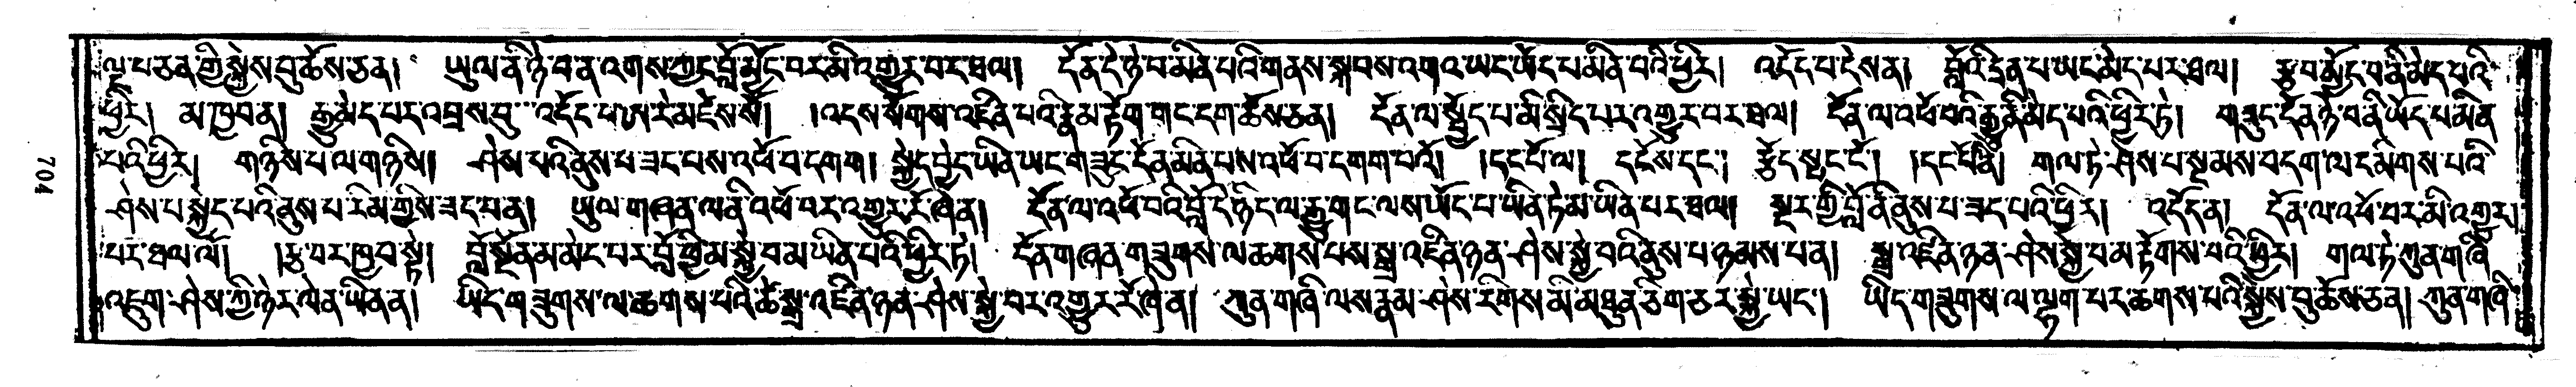ལྔ་པ་ཅན་གྱི་སྐྱེས་བུ་ཆོས་ཅན། ཡུལ་ནི་ཉེ་བ་ན་འགས་ཀྱང་བློ་མྱོང་བར་མི་འགྱུར་བར་ཐལ། དོན་དེ་ཉེ་བ་མིན་པའི་གནས་སྐབས་འགའ་ཡང་ཡོང་པ་མིན་པའི་ཕྱིར། འདོད་པ་དེས་ན། བློའི་དྲན་པ་ཡང་མེད་པར་ཐལ། རྩ་བ་མྱོང་བ་ནི་མེད་པའི་
ཕྱིར། མ་ཁྱབ་ན། རྒྱུ་མེད་པར་འབྲས་བུ་འདོང་པ་ཨ་རེ་མཛེས་སོ། །འདས་སོགས་འཛིན་པའི་རྣམ་རྟོག་གང་དག་ཆོས་ཅན། དོན་ལ་སྤྱོད་པ་མི་སྲིད་པར་འགྱུར་བར་ཐལ། དོན་ལ་འཕོ་བའི་རྒྱུ་ནི་མེད་པའི་ཕྱིར་ཏེ། གཟུང་དོན་ཉེ་བ་ནི་ཡོད་པ་མིན་
པའི་ཕྱིར། གཉིས་པ་ལ་གཉིས། ཤེས་པའི་ནུས་པ་ཟང་པས་འཕོ་བ་དགག། སྐྱེད་བྱེད་ཡིན་ཡང་གཟུང་དོན་མིན་པས་འཕོ་བ་དགག་པའོ། །དང་པོ་ལ། དངོས་དང་། རྩོད་སྤང་ངོ། །དང་པོ་ནི། གལ་ཏེ་ཤེས་པ་སྔ་མས་བདག་ལ་དམིགས་པའི་
ཤེས་པ་སྐྱེད་པའི་ནུས་པ་རིམ་གྱིས་ཟད་པ་ན། ཡུལ་གཞན་ལ་ནི་འཕོ་བར་འགྱུར་རོ་ཞེ་ན། དོན་ལ་འཕོ་བའི་བློ་དེ་ཉིད་ལ་རྒྱུ་གང་ལས་ཡོང་བ་ཡིན་ཏེ་མ་ཡིན་པར་ཐལ། སྔར་གྱི་བློ་ནི་ནུས་པ་ཟད་པའི་ཕྱིར། འདོད་ན། དོན་ལ་འཕོ་བར་མི་འགྱུར།
པར་ཐལ་ལོ། །རྩ་བར་ཁྱབ་སྟེ། བློ་སྔོན་མ་མེང་པར་བློ་ཕྱི་མ་སྐྱེ་བ་མ་ཡིན་པའི་ཕྱིར་ཏེ། དོན་གཞན་གཟུགས་ལ་ཆགས་པས་སྒྲ་འཛིན་ཉན་ཤེས་སྐྱེ་བའི་ནུས་པ་ཉམས་པ་ན། སྒྲ་འཛིན་ཉན་ཤེས་སྐྱེ་བ་མ་རྟོགས་པའི་ཕྱིར། གལ་ཏེ་ཀུན་གཞི་
འཇུག་ཤེས་ཀྱི་ཉེར་ལེན་ཡིན་ན། ཡིད་གཟུགས་ལ་ཆགས་པའི་ཚེ་སྒྲ་འཛིན་ཉན་ཤེས་སྐྱེ་བར་འགྱུར་རོ་ཞེ་ན། ཀུན་གཞི་ལས་རྣམ་ཤེས་རིགས་མི་མཐུན་ཅིག་ཅར་སྐྱེ་ཡང་། ཡིད་གཟུགས་ལ་ལྷག་པར་ཆགས་པའི་སྐྱེས་བུ་ཆོས་ཅན། ཀུན་གཞི་